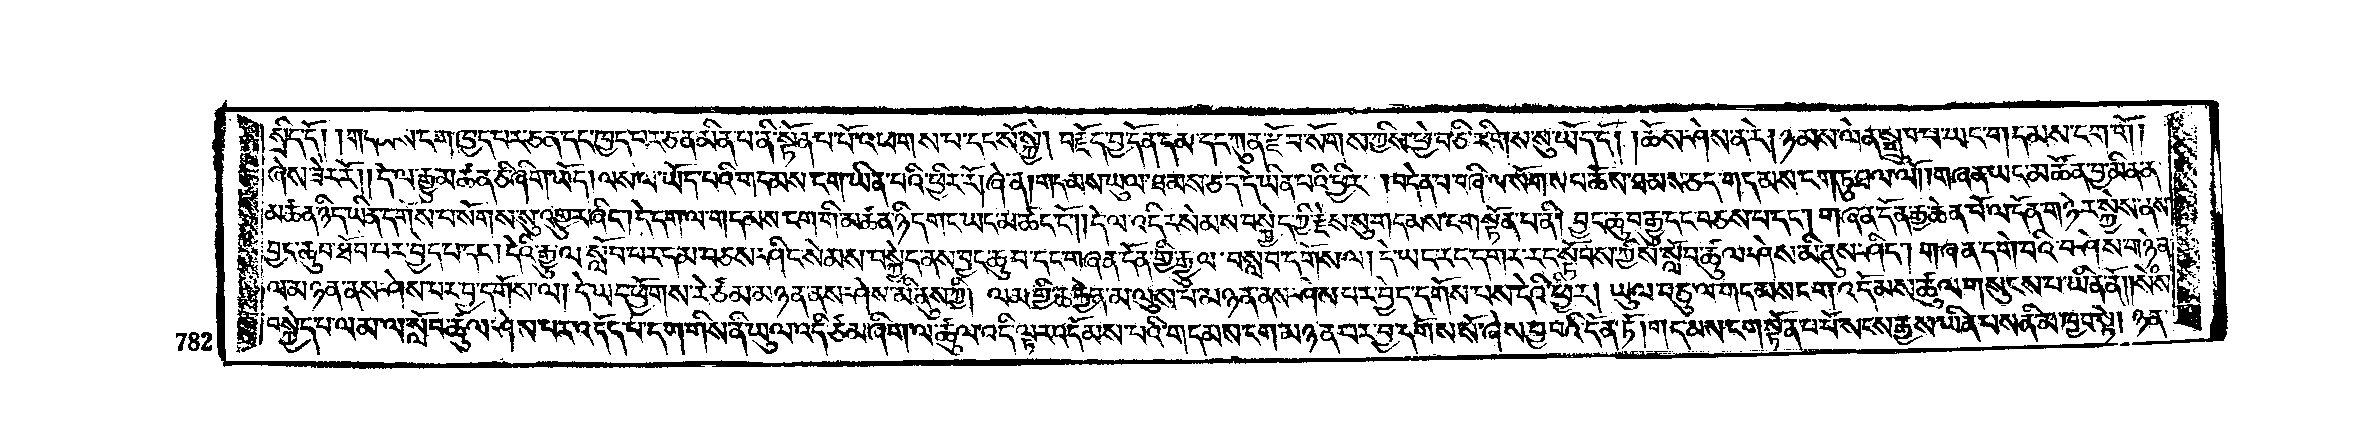སྲིད་དོ། །གདམས་ངག་ཁྱད་པར་ཅན་དང་ཁྱད་པར་ཅན་མིན་པ་ནི་སྟོན་པ་པོ་འཕགས་པ་དང་སོ་སྐྱེ། བརྗོད་བྱ་དོན་དམ་དང་ཀུན་རྫོབ་སོགས་ཀྱིས་ཕྱེ་བ་ཅི་རིགས་སུ་ཡོད་དོ། །ཆོས་ཤེས་ན་རེ། ཉམས་ལེན་སྒྲུབ་པ་ཡང་གདམས་ངག་གོ།
ཞེས་ཟེར་རོ། །དེ་ལ་རྒྱུ་མཚན་ཅི་ཞིག་ཡོད། ལས་ལ་ཡོད་པའི་གདམས་ངག་ཡིན་པའི་ཕྱིར་རོ། ཞེ་ན། གདམས་ཡུལ་ཐམས་ཅད་དེ་ཡིན་པའི་ཕྱིར། བདེན་པ་བཞི་ལ་སོགས་པ་ཆོས་ཐམས་ཅད་གདམས་ངག་ཏུ་ཐལ་ལོ། །གཞན་ཡང་མཚོན་བྱ་མིན་ན་
མཚན་ཉིད་ཡིན་དགོས་པ་སོགས་སུ་འགྱུར་ཞིང་། དེ་དག་ལ་གདམས་ངག་གི་མཚན་ཉིད་གང་ཡང་མ་ཚང་ངོ། །དེ་ལ་འདིར་སེམས་བསྐྱེད་ཀྱི་རྗེས་སུ་གདམས་ངག་སྟོན་པ་ནི། བྱང་ཆུབ་རྒྱུ་དང་བཅས་པ་དང་། གཞན་དོན་རྒྱ་ཆེན་པོ་ལ་དོན་གཉེར་སྐྱེས་ནས་
བྱང་ཆུབ་ཐོབ་པར་བྱེད་པ་དང་། དེའི་རྒྱུ་ལ་སློབ་པར་དམ་བཅས་ཤིང་སེམས་བསྐྱེད་ནས་བྱང་ཆུབ་དང་གཞན་དོན་གྱི་རྒྱུ་ལ་བསླབ་དགོས་ལ། དེ་ཡང་རང་དགར་རང་སྟོབས་ཀྱིས་སློབ་ཚུལ་ཤེས་མི་ནུས་ཤིང་། གཞན་དགེ་བའི་བཤེས་གཉེན་
ལ་མཉན་ནས་ཤེས་པར་བྱ་དགོས་ལ། དེ་ཡང་ཕྱོགས་རེ་ཙམ་མཉན་ནས་ཤེས་མི་ནུས་ཀྱི། ལམ་གྱི་ཆ་རྐྱེན་མ་ལུས་པ་མཉན་ནས་ཤེས་པར་བྱེད་དགོས་པས་དེའི་ཕྱིར། ཡུལ་བཅུ་ལ་གདམས་ངག་འདོམས་ཚུལ་གསུངས་པ་ཡིན་ནོ། །སེམས་
བསྐྱེད་པ་ལམ་ལ་སློབ་ཚུལ་ཤེས་པར་འདོད་པ་དག་གིས་ནི་ཡུལ་འདི་ཙམ་ཞིག་ལ་ཚུལ་འདི་ལྟར་འདོམས་པའི་གདམས་ངག་མཉན་པར་བྱ་དགོས་སོ་ཞེས་བྱ་བའི་དོན་ཏོ། གདམས་ངག་སྟོན་པ་པོ་སངས་རྒྱས་ཡིན་པས་ནི་མ་ཁྱབ་སྟེ། ཉན་